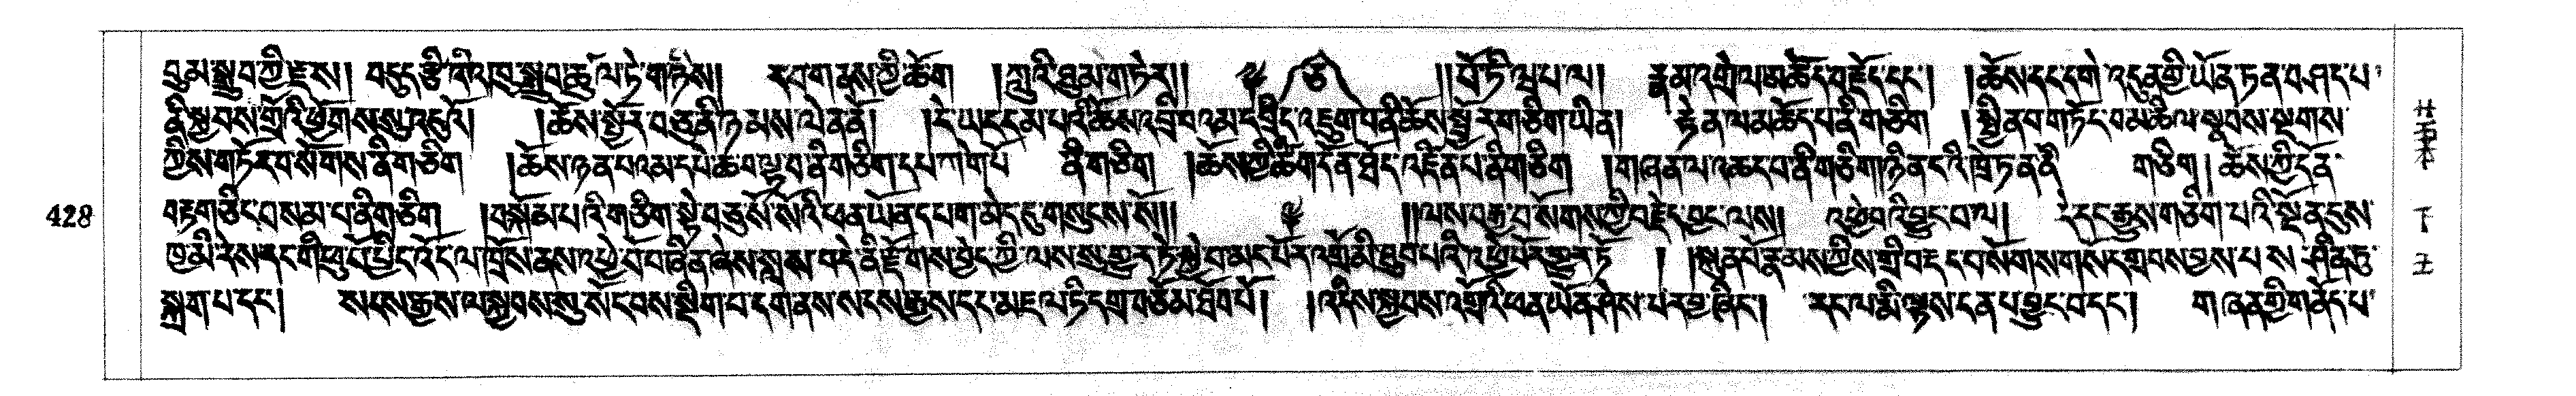བུམ་སྒྲུབ་ཀྱི་རྫས། བདུད་རྩིའི་འཁུ་སྒྲུབ་ཚུལ་ཏེ་གཉིས། རབ་གནས་ཀྱི་ཆོ་ག །ཀླུའི་ཐུམ་གཏེར།། ༈ ཅ྄་།།བོ་ཏི་ཝ་པ་ལ། རྣམ་འགྲེལ་མཆོད་བརྗོད་དང་། །ཆོས་དང་དགེ་འདུན་གྱི་ཡོན་ཏན་བཤད་པ།
ནི་སྐྱབས་གྲོའི་ཕྱོགས་སུ་འདུའོ། །ཆོས་སྤྱོར་བཅུ་ནི་ཉམས་ལེན་ནོ། །དེ་ཡང་དམ་པའི་ཆོས་འབྲི་བའམ་དབྲིད་འཇུག་པ་ནི་ཆོས་སྤྱོར་གཅིག་ཡིན། རྟེན་ལ་མཆོད་པ་ནི་གཅིག །སྤྱིན་བ་གཏོང་བ་མཆིལ་སྣབས་སྔགས་
ཀྱིས་གཏོང་བ་སོགས་ནི་གཅིག །ཆོས་ཉན་པའམ་དཔེ་ཆ་བལྟ་བ་ནི་གཅིག་དཔ་ཀེག་པོ་ནི་གཅིག །ཆོས་ཀྱི་ཚིག་དོན་ཐོད་འཛིན་པ་ནི་གཅིག །གཞན་ལ་འཆད་པ་ནི་གཅིག །ཉིན་ངའི་ཁྲེ་ཏན་ནི། གཅིག། ཆོས་ཀྱི་དོན་
བརྟག་ཅིང་བསམ་པ་ནི་གཅིག །བསྐོམ་པའི་གཅིག་སྟེ་བཅུ་སོ་སོའི་ཕན་ཡོན་དཔག་མེད་དུ་གསུངས་སོ།། ༈ །།ལས་བརྒྱ་བ་སོགས་ཀྱི་བརྗེད་བྱང་ལས། འཕྱེ་བའི་བྱུང་བ་ལ། དེ་དང་རྒྱུས་གཅིག་པའི་སྔོན་དུས་
ཁྱ་མི་རེས་དང་གི་ཕུ་པོ་ཕྱིང་འོང་ལ་ཁྲོས་ནས་འཕྱེ་བ་བཞིན་ཞེས་སླས་བདེ་ནི་རྫོགས་བྱེད་ཀྱི་ལས་སུ་གྱུར་ཏེ་སྐྱེ་བ་མང་པོར་འགྲོ་མི་ཐུབ་པའི་འཕྱེ་པོར་གྱུར་ཏོ་། །སྐུན་པོ་རྣམས་ཀྱིས་གྲི་བརྡང་བ་སོགས་གསོད་གྲབས་བྱས་པས་ཤིན་ཏུ་
སྐྲག་པ་དང་། སངས་རྒྱས་ལ་སྐྱབས་སུ་སོང་བས་སྡིག་བ་དག་ནས་སངས་རྒྱས་དང་མཇལ་ཏི་དགྲ་བཅོམ་ཐོབ་པོ། །འདིས་སྐྱབས་འགྲོའི་ཕན་ཡོན་ཤེས་པར་བྱ་ཞིང་། རང་ལ་རྨི་ལྟས་ངན་པ་བྱུང་བ་དང་། གཞན་གྱི་གནོད་པ་